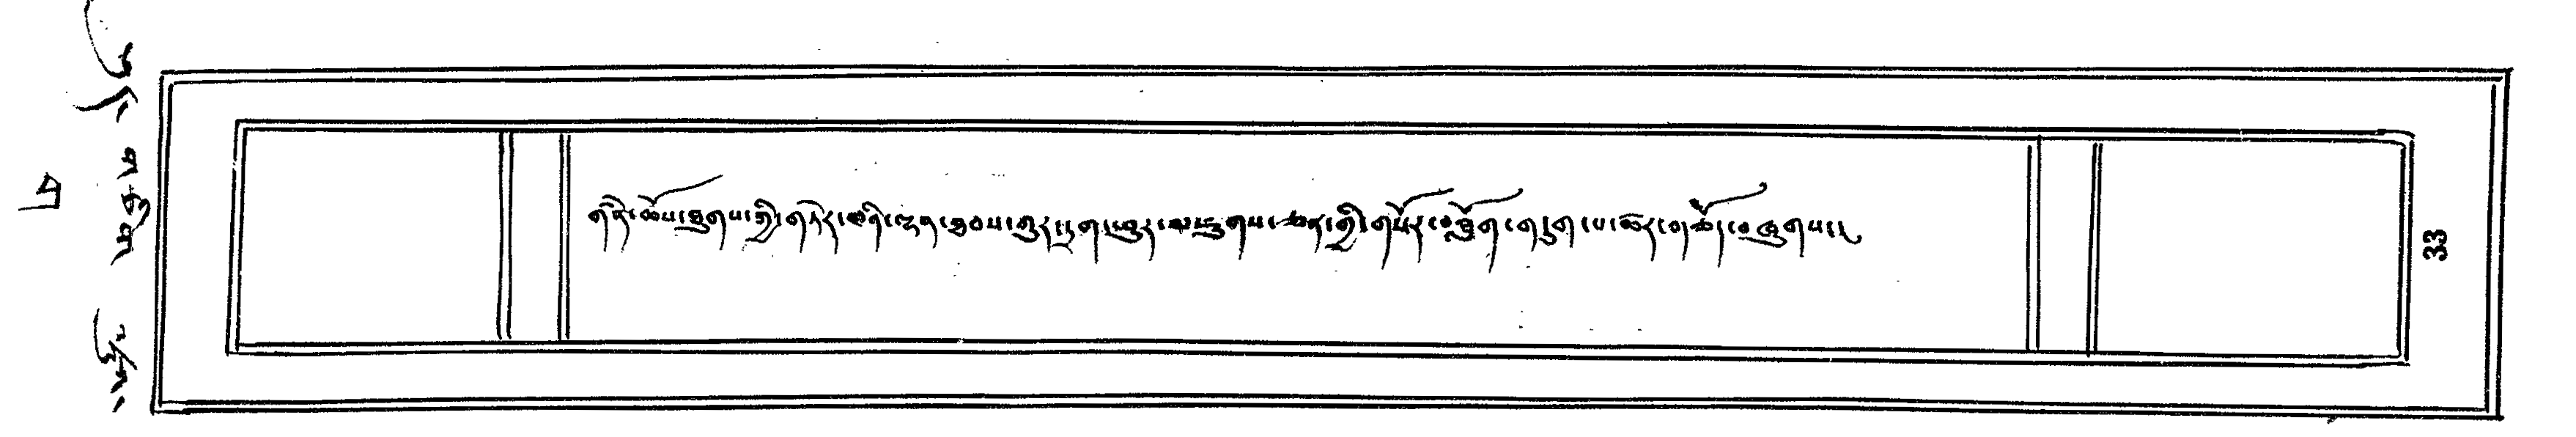༄༅། གནམ་ཆོས་ཐུགས་ཀྱི་གཏེར་ཁའི་ལྷན་ཐབས་གུར་དྲག་ཕུར་མཇུག་ཅན་གྱི་གཏོར་བཟློག་གདུག་པ་ཚར་གཅོད་བཞུགས།